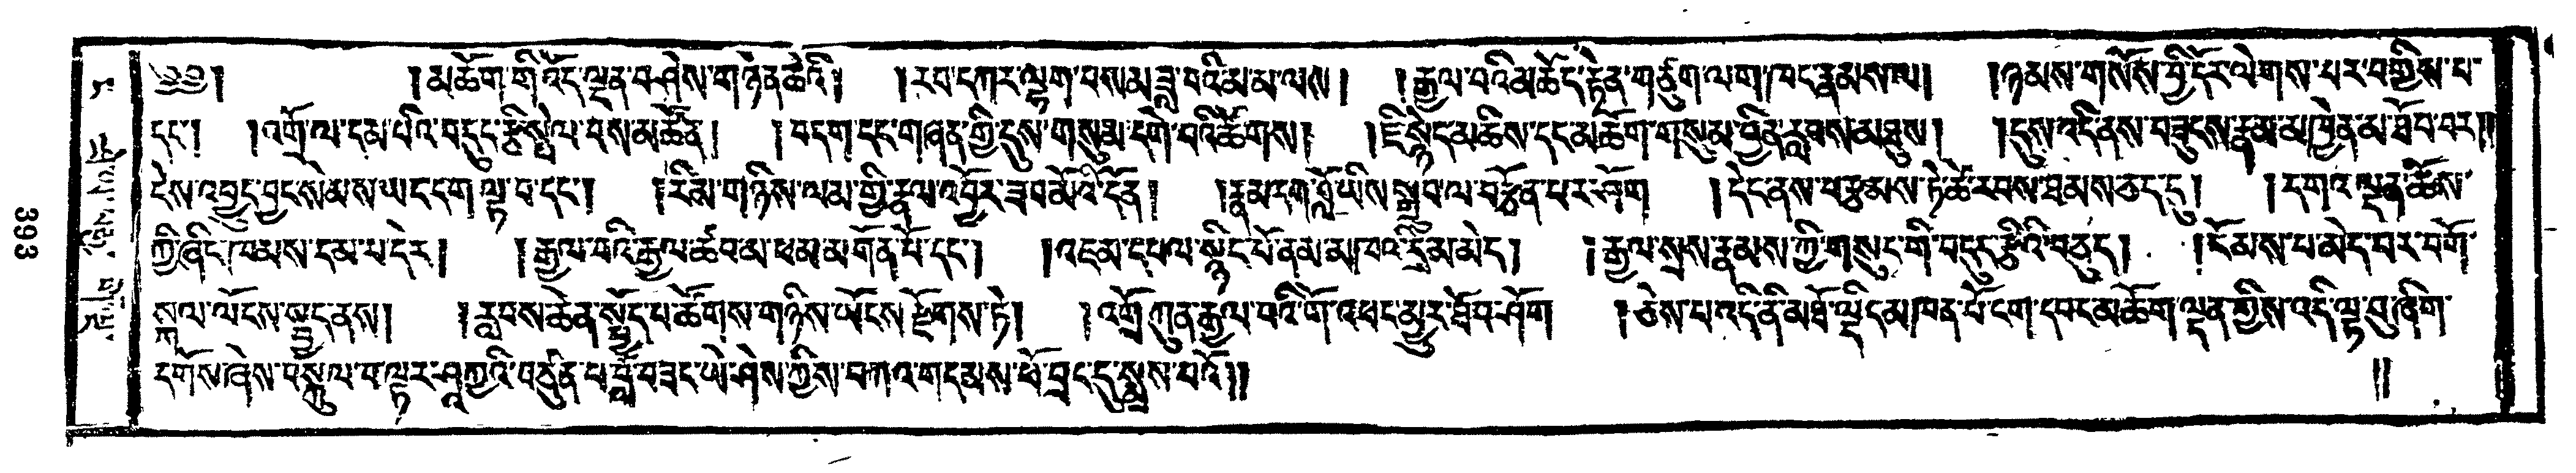༄༅། །མཆོག་གི་འོད་ལྡན་བཤེས་གཉེན་ཆེའི། །རབ་དཀར་ལྷག་བསམ་ཟླ་བའི་མ་མ་ལས། །རྒྱལ་བའི་མཆོད་རྟེན་གཙུག་ལག་ཁང་རྣམས་ལ། །ཉམས་གསོས་བྱི་དོར་ལེགས་པར་བགྱིས་པ་
དང་། །འགྲོ་ལ་དམ་པའི་བདུད་རྩི་སྤེལ་བས་མཚོན། །བདག་དང་གཞན་གྱི་དུས་གསུམ་དགེ་བའི་ཚོགས། །ཇི་སྙེད་མཆིས་དང་མཆོག་གསུམ་བྱིན་རླབས་མཐུས། །དུས་འདི་ནས་བཟུངས་རྣམ་མཁྱེན་མ་ཐོབ་བར།།
ངེས་འབྱུང་བྱང་སེམས་ཡང་དག་ལྟ་བ་དང་། །རིམ་གཉིས་ལམ་གྱི་རྣལ་འབྱོར་ཟབ་མོའི་དོན། །རྣམ་དག་བློ་ཡིས་སྒྲུབ་ལ་བརྩོན་པར་ཤོག །དེང་ནས་བརྩམས་ཏེ་ཚེ་རབས་ཐམས་ཅད་དུ། །དགའ་ལྡན་ཆོས་
ཀྱི་ཞིང་ཁམས་དམ་པ་དེར། །རྒྱལ་བའི་རྒྱལ་ཚབ་མ་ཕམ་མགོན་པོ་དང་། །འཇམ་དཔལ་སྙིང་པོ་ནམ་མཁའ་དྲི་མ་མེད། །རྒྱལ་སྲས་རྣམས་ཀྱི་གསུང་གི་བདུད་རྩིའི་བཅུད། །ངོམས་པ་མེད་པར་བགོ་
སྐལ་ལོངས་སྤྱད་ནས། །རླབས་ཆེན་སྤྱོད་པ་ཚོགས་གཉིས་ཡོངས་རྫོགས་ཏེ། །འགྲོ་ཀུན་རྒྱལ་བའི་གོ་འཕང་མྱུར་ཐོབ་ཤོག །ཅེས་པ་འདི་ནི་མཐོ་ལྡིང་མཁན་པོ་ངག་དབང་མཆོག་ལྡན་གྱིས་འདི་ལྟ་བུ་ཞིག་
དགོས་ཞེས་བསྐུལ་བ་ལྟར་ཤཱཀྱའི་བཙུན་པ་བློ་བཟང་ཡེ་ཤེས་ཀྱིས་བཀའ་གདམས་ཕོ་བྲང་དུ་སྨྲས་པའོ།། །།